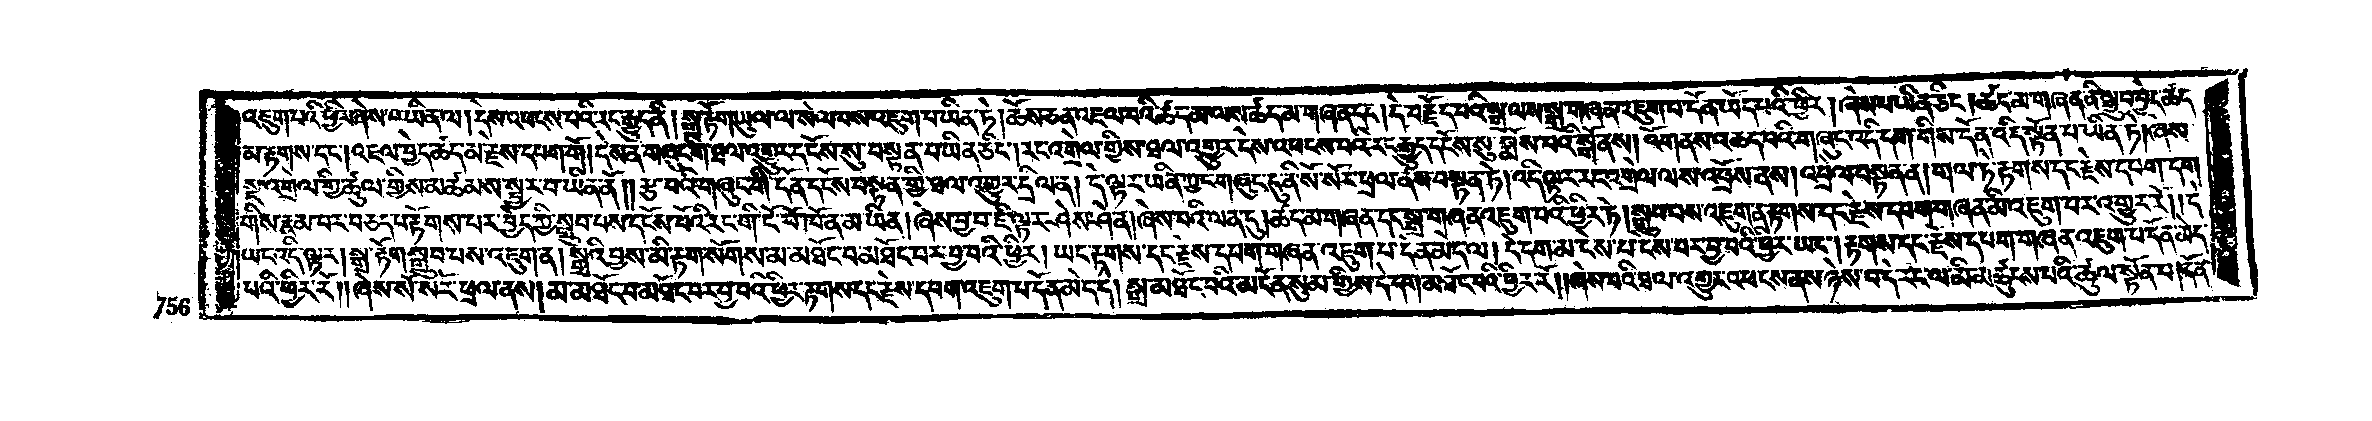འཇུག་པའི་ཕྱིར་ཞེས་པ་ཡིན་ལ། དེས་འཕངས་པའི་རང་རྒྱུད་ནི། སྒྲ་རྟོག་ཡུལ་ལ་སེལ་བས་འཇུག་པ་ཡིན་ཏེ། ཆོས་ཅན་འཇལ་བའི་ཚད་མ་ལས་ཚད་མ་གཞན་དང་། དེ་བརྗོད་པའི་སྒྲ་ལས་སྒྲ་གཞན་འཇུག་པ་དོན་ཡོད་པའི་ཕྱིར། ཞེས་པ་ཡིན་ཅིང་། ཚད་མ་གཞན་ནི་སྒྲུབ་བྱེད་ཚད་
མ་རྟགས་དང་། འཇལ་བྱེད་ཚད་མ་རྗེས་དཔག་གོ །དེས་ན་གཞུང་གི་ཐལ་འགྱུར་དངོས་སུ་བསྟན་པ་ཡིན་ཅིང་། རང་འགྲེལ་གྱིས་ཐལ་འགྱུར་དེས་འཕངས་པའི་རང་རྒྱུད་དངོས་སུ་སྨོས་པའི་སྒོ་ནས། འོག་ནས་འཆད་པའི་གཞུང་འདི་དག་གིས་དོན་འདི་སྟོན་པ་ཡིན་ཏེ། བའི་གཞུང་གི་དོན་དངོས་བསྟན་གྱི་ཐལ་འགྱུར་དྲིལ་ན། དེ་ལྟར་ཡིན་ཀྱང་གཞུང་དུ་ནི་སོ་སོར་ཕྲལ་ནས་བསྟན་ཏེ། འདི་ལྟར་རང་འགྲེལ་ལས་འཕྲོས་ནས། འབྲེལ་བསྟན་ན། གལ་ཏེ་རྟགས་དང་རྗེས་དཔག་དག་
གིས་རྣམ་པར་བཅད་པ་རྟོགས་པར་བྱེད་ཀྱི་སྒྲུབ་པས་དངོས་པོའི་རང་གི་ངོ་བོ་ཁོ་ན་མ་ཡིན། ཞེས་བྱ་བ་ཇི་ལྟར་ཤེས་ཤེ་ན། ཞེས་པའི་ལན་དུ། ཚད་མ་གཞན་དང་སྒྲ་གཞན་འཇུག་པའི་ཕྱིར་ཏེ། སྒྲུབ་པས་འཇུག་ན་རྟགས་དང་རྗེས་དཔག་གཞན་མི་འཇུག་པར་འགྱུར་རོ། །དེ་
ཡང་འདི་ལྟར། སྒྲ་རྟོག་སྒྲུབ་པས་འཇུག་ན། སྒྲའི་བྱས་མི་རྟག་སོགས་མ་མཐོང་བ་མཐོང་བར་བྱ་བའི་ཕྱིར། ཡང་རྟགས་དང་རྗེས་དཔག་གཞན་འཇུག་པ་དོན་མེད་ལ། དེ་དག་མ་ངེས་པ་ངེས་པར་བྱ་བའི་ཕྱིར་ཡང་། རྟགས་དང་རྗེས་དཔག་གཞན་འཇུག་པ་དོན་མེད་
པའི་ཕྱིར་རོ། །ཞེས་སོ་སོར་ཕྲལ་ནས། མ་མཐོང་བ་མཐོང་བར་བྱ་བའི་ཕྱིར་རྟགས་དང་རྗེས་དཔག་འཇུག་པ་དོན་མེད་དེ། སྒྲ་མཐོང་བའི་མངོན་སུམ་གྱིས་དེ་དག་མཐོང་བའི་ཕྱིར་རོ། །ཞེས་པའི་ཐལ་འགྱུར་འཕངས་ནས་ཉེས་བ་དེ་རང་ལ་མི་མཚུངས་པའི་ཚུལ་སྟོན་པ། དོ་